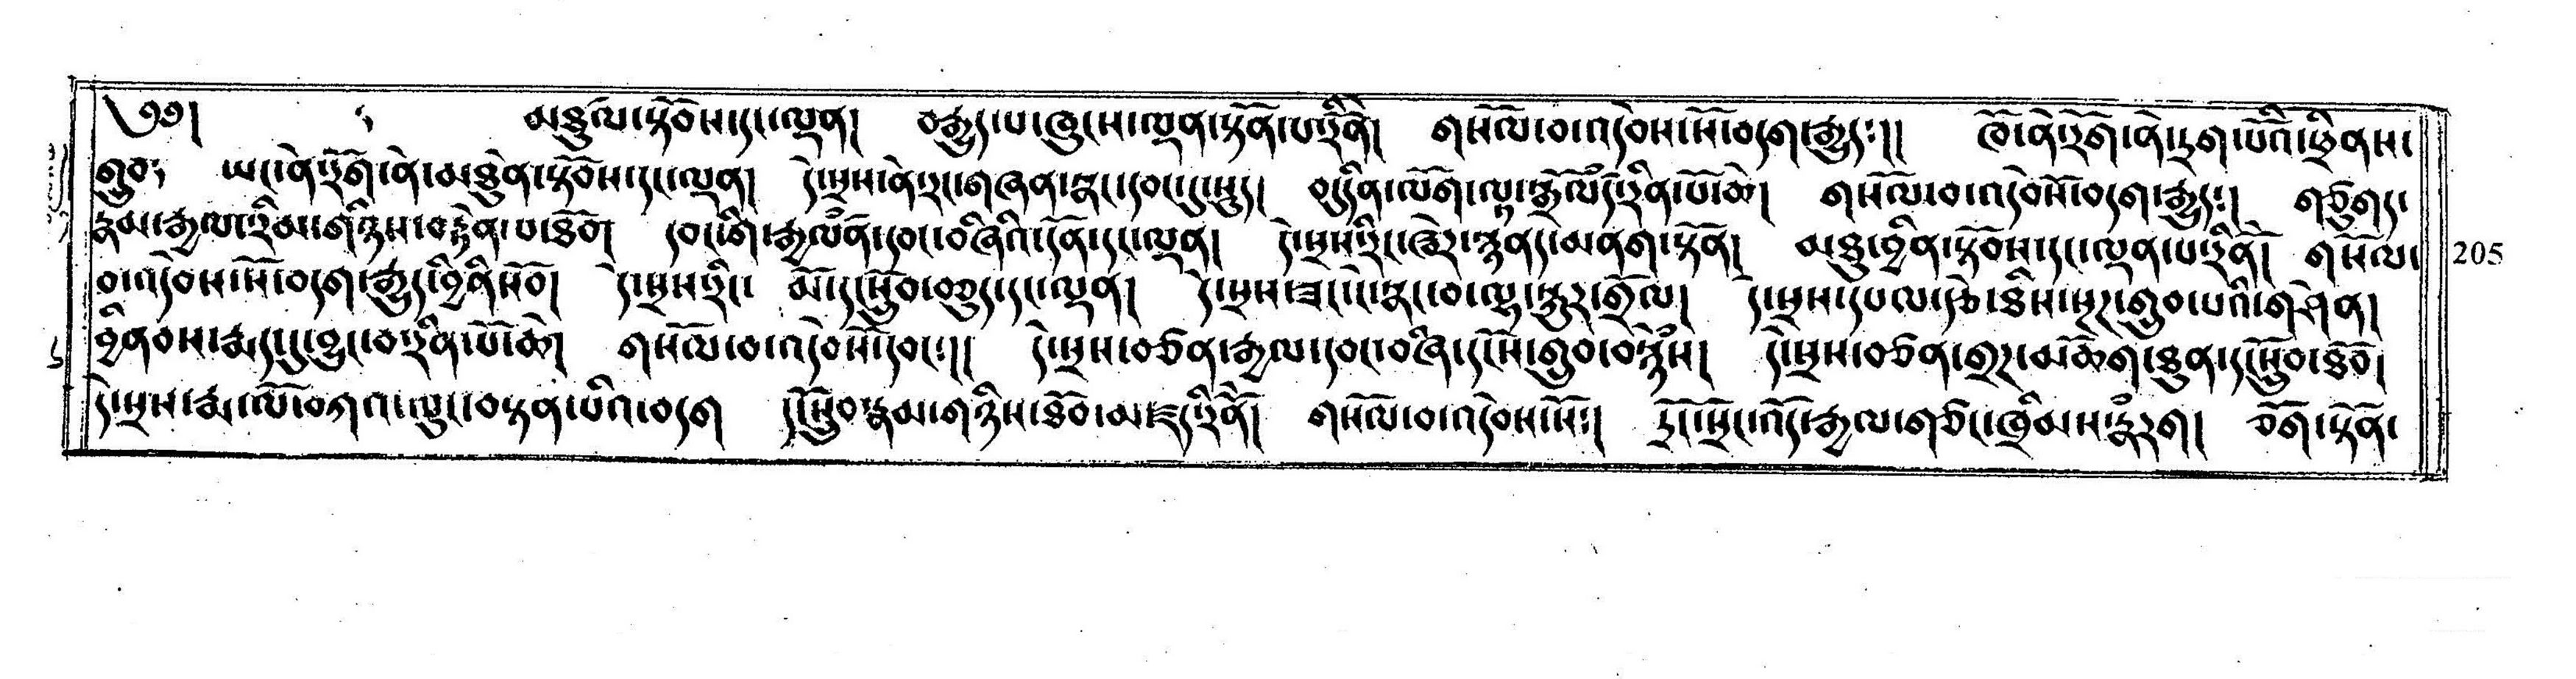མཐུ་རྩལ་སྟོབས་དང་ལྡན། བརྒྱུད་པ་ཁུངས་ལྡན་སྟོན་པ་རིན་པོ་ཆེ། གསོལ་བ་འདེབས་སོ་བདག་རྒྱུད༴།། ཁོ་ནེ་རོག་ནེ་དྲག་པོའི་ཕྲིན་ལས་
གྲུབ། ཡང་ནེ་རོག་ནེ་མཐུ་ཆེན་སྟོབས་དང་ལྡན། དེ་སྲས་ནེ་རང་གཞན་སྣང་དབང་དུ་སྡུད། བདུད་སྲིན་ལོག་ལྟ་སྒྲོལ་མཛད་རིན་པོ་ཆེ། གསོལ་བ་འདེབས་སོ་བདག་རྒྱུད༴། གཙུག་ཕུད་
རྣམ་རྒྱལ་རིམ་གཉིས་བརྟན་པ་ཐོབ། དབང་གི་རྒྱལ་མཚན་དབང་བཞིའི་དོན་དང་ལྡན། དེ་སྲས་རིང་ཝེར་སྙན་བརྒྱུད་མན་ངག་སྟོན། མཐུ་བྱིན་སྟོབས་དང་ལྡན་པ་རིན་པོ་ཆེ། གསོལ་
བ་འདེབས་སོ་བདག་རྒྱུད་བྱིན་གྱིས་རློབས། དེ་སྲས་རིང་མོ་དངོས་གྲུབ་བཅུད་དང་ལྡན། དེ་སྲས་ཟང་ངེ་སྣང་བ་ལྷ་སྐུར་གྲོལ། དེ་སྲས་དཔལ་རྩེ་ཐིས་སྔགས་གྲུབ་པའི་གཤེན། 
བྱིན་རླབས་རྨད་དུ་བྱུང་བ་རིན་པོ་ཆེ། གསོལ་བ་འདེབས་སོ་དབང་༴།། དེ་སྲས་བཙན་རྒྱལ་དབང་བཞི་དངོས་གྲུབ་བསྙེམས། དེ་སྲས་བཙན་གྲགས་མཆོག་ཐུན་དངོས་གྲུབ་ཐོབ། 
དེ་སྲས་རྨ་ལོ་བཀའ་ལུང་བསྟན་པའི་བདག དངོས་གྲུབ་རྣམ་གཉིས་ཐོབ་མཛད་རིན་པོ་ཆེ། གསོལ་བ་འདེབས་སོ༴། དྲང་སྲོང་འོད་རྒྱལ་གཙང་ཁྲིམས་རྣམ་པར་དག ཅོག་སྟོན་